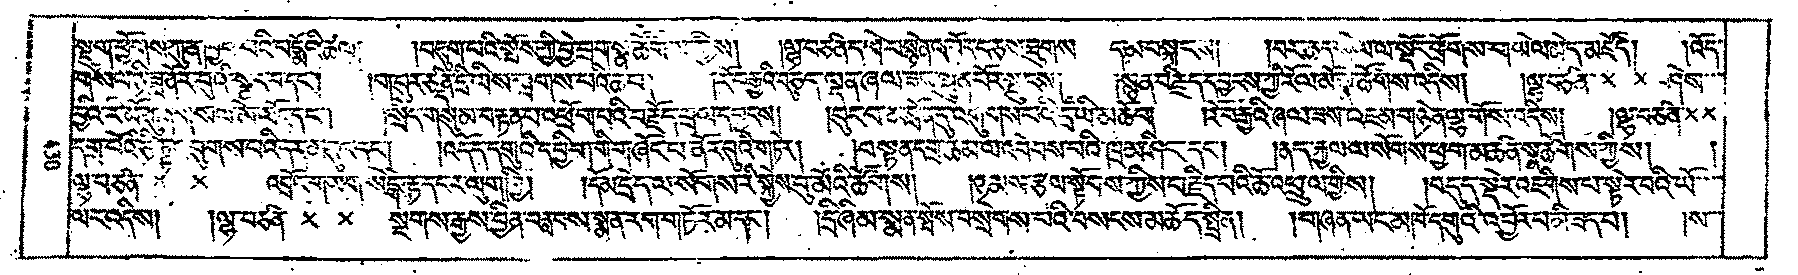སྡུག་ཕྱོགས་ཀུན་ཁྱབ་པའི་པདམོའི་ཚལ། །བདུག་པའི་སྤོས་ཀྱི་བྱེ་བྲག་སྣ་ཚོགས་ཀྱིས། །ལྷ་བཙན་དགེ་བསྙེན་འཁོར་བཅས་ཐུགས་དམ་བསྐངས། །བར་ཆད་སེལ་ལ་སྡོང་གྲོགས་གཡེལ་མེད་མཛོད། །འོད་
གསལ་ཉི་ཟླ་ནོར་བུའི་སྣང་བ་དང་། །ག་བུར་ཙནྡ་དྲི་ཡིས་སྦགས་པའི་ཆབ། །རོ་བརྒྱའི་བཅུད་ལྡན་ཞལ་ཟས་ལྷུན་པོར་སྤུངས། །སྙན་བརྗིད་དབྱངས་ཀྱི་རོལ་མོ་སྣ་ཚོགས་འདིས། །ལྷ་བཙན་྾་྾་ཤེས་
བྱའི་རི་མོ་ཀུན་གསལ་མེ་ལོང་དང་། །སྲིད་གསུམ་བརྟན་པ་འཕྲོག་པའི་བརྗོད་བྲལ་དབྱངས། །བུང་བ་མགྲོན་དུ་འགུགས་པའི་དྲི་ཡི་མཆོག །རོ་བརྒྱའི་ཞལ་ཟས་འཇམ་གཉེན་ལྷ་གོས་འདིས། །ལྷ་བཙན་྾་྾་
དགྲ་བོའི་ཙིཏྟ་འབུགས་པའི་དར་མདུང་དང་། །འདོད་དགུའི་དབྱིག་གི་གཞོང་པ་ནོར་བུའི་གཏེར། །བསྟན་དགྲ་ཆམ་ལ་འབེབས་པའི་ཁྲམ་ཤིང་དང་། །ནད་རྐྱལ་ལ་སོགས་ཕྱག་མཚན་སྣ་ཚོགས་ཀྱིས། །
ལྷ་བཙན་྾་྾་འབྲོང་གཡག་སེངྒེ་རྟ་དང་ར་ལུག་ཁྱི། །དོམ་དྲེད་ལ་སོགས་རི་སྐྱེས་བུ་མོའི་ཚོགས། །ཉམས་རྩལ་སྟོབས་ཀྱིས་བརྗིད་པའི་ཆོ་འཕྲུལ་གྱིས། །བདུད་སྡེར་འཇིགས་པ་སྟེར་བའི་ཡོ་
ལང་འདིས། །ལྷ་བཙན་྾་྾་སྔགས་རྒྱས་བྱིན་བརླབས་སྨན་རག་གཏོར་མ་དང་། །དྲི་ཞིམ་སྨན་སྤོས་བསྲེགས་པའི་བསངས་མཆོད་སྤྲིན། །གཞན་ཡང་མཁོ་དགུའི་འབྱོར་པ་མི་ཟད་པ། །ས་